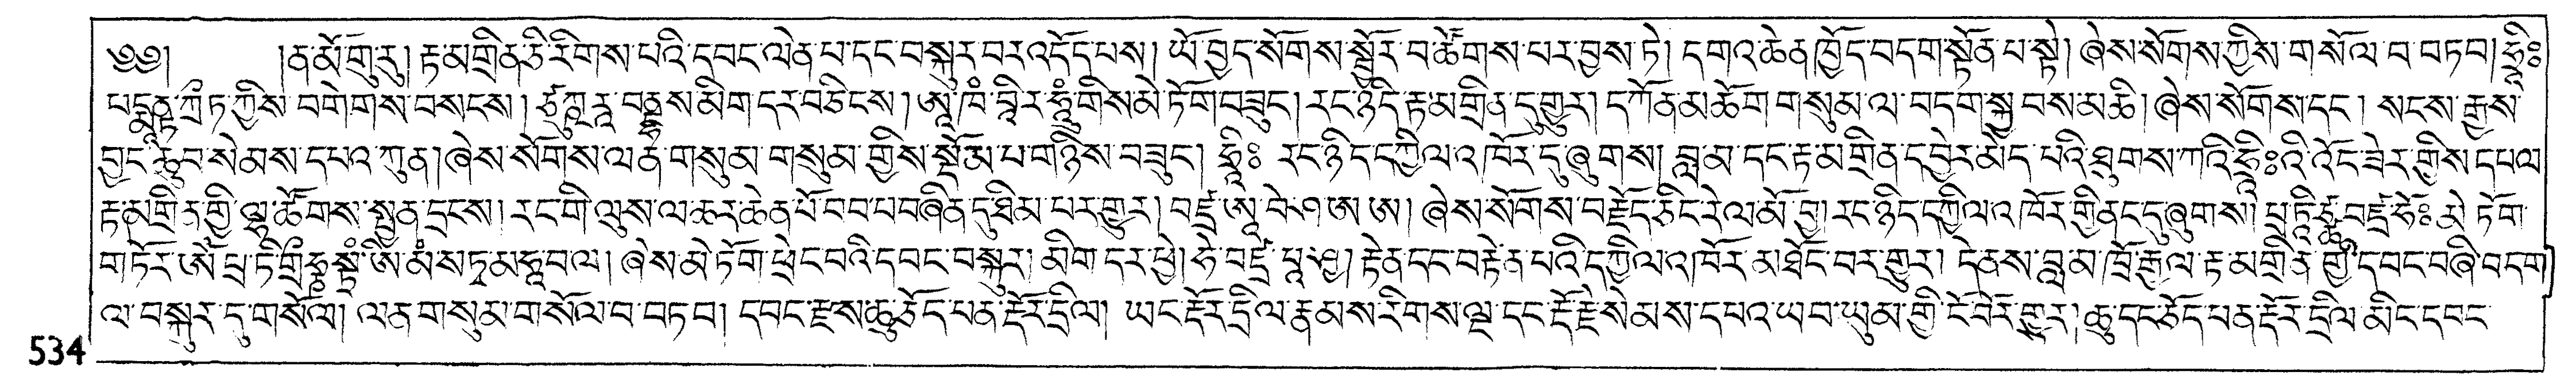༄༅། །ན་མོ་གུ་རུ། རྟ་མགྲིན་ཅི་རིགས་པའི་དབང་ལེན་པ་དང་བསྐུར་བར་འདོད་པས། ཡོ་བྱད་སོགས་སྦྱོར་བ་ཚོགས་པར་བྱས་ཏེ། དགའ་ཆེན་ཁྱོད་བདག་སྟོན་པ་སྟེ། ཞེས་སོགས་ཀྱིས་གསོལ་བ་བཏབ། ཧྲཱིཿ
པདམྰྣྟ་ཀྲྀ་ཏ་ཀྱིས་བགེགས་བསངས། ཙཀྵུརཱ་བནྡྷས་མིག་དར་བཅིངས། ཨཱ་ཁཾ་བཱི་ར་ཧཱུཾ་གིས་མེ་ཏོག་བཟུང་། རང་ཉིད་རྟ་མགྲིན་དུ་གྱུར། དཀོན་མཆོག་གསུམ་ལ་བདག་སྐྱབས་མཆི། ཞེས་སོགས་དང་། སངས་རྒྱས་
བྱང་ཆུབ་སེམས་དཔའ་ཀུན། ཞེས་སོགས་ལན་གསུམ་གསུམ་གྱིས་སྡོམ་པ་གཉིས་བཟུང་། ཧྲཱིཿ རང་ཉིད་དཀྱིལ་འཁོར་དུ་ཞུགས། བླ་མ་དང་རྟ་མགྲིན་དབྱེར་མེད་པའི་ཐུགས་ཀའི་ཧྲཱིཿ འི་འོད་ཟེར་གྱིས་དཔལ་
རྟ་མགྲིན་གྱི་ལྷ་ཚོགས་སྤྱན་དྲངས། རང་གི་ལུས་ལ་ཆར་ཆེན་པོ་བབ་པ་བཞིན་དུ་ཐིམ་པར་གྱུར། བཛྲ་ཨཱ་བེ་ཤ་ཨ་ཨ། ཞེས་སོགས་བརྗོད་ཅིང་རེལ་མོ་བྱ། རང་ཉིད་དཀྱིལ་འཁོར་གྱི་ནང་དུ་ཞུགས། པྲ་ཏཱི་ཙྪ་བཛྲ་ཧོཿ མེ་ཏོག་
གཏོར་ཨོཾ་པྲ་ཏི་གྲྀཧྞ་སྟྲཾ་ཨི་མཾ་སཏྭ་མཧཱ་བ་ལ། ཞེས་མེ་ཏོག་ཕྲེང་བའི་དབང་བསྐུར། མིག་དར་ཕྱེ། ཧེ་བཛྲ་པཱ་ཤྱ། རྟེན་དང་བརྟེན་པའི་དཀྱིལ་འཁོར་མཐོང་བར་གྱུར། དེ་ནས་བླ་མ་ཁྲོ་རྒྱལ་རྟ་མགྲིན་གྱི་དབང་བཞི་བདག་
ལ་བསྐུར་དུ་གསོལ། ལན་གསུམ་གསོལ་བ་བཏབ། དབང་རྫས་ཆུ་ཅོད་པན་རྡོར་དྲིལ། ཡང་རྡོར་དྲིལ་རྣམས་རིགས་ལྔ་དང་རྡོ་རྗེ་སེམས་དཔའ་ཡབ་ཡུམ་གྱི་ངོ་བོར་གྱུར། ཆུ་དང་ཅོད་པན་རྡོར་དྲིལ་མིང་དབང་